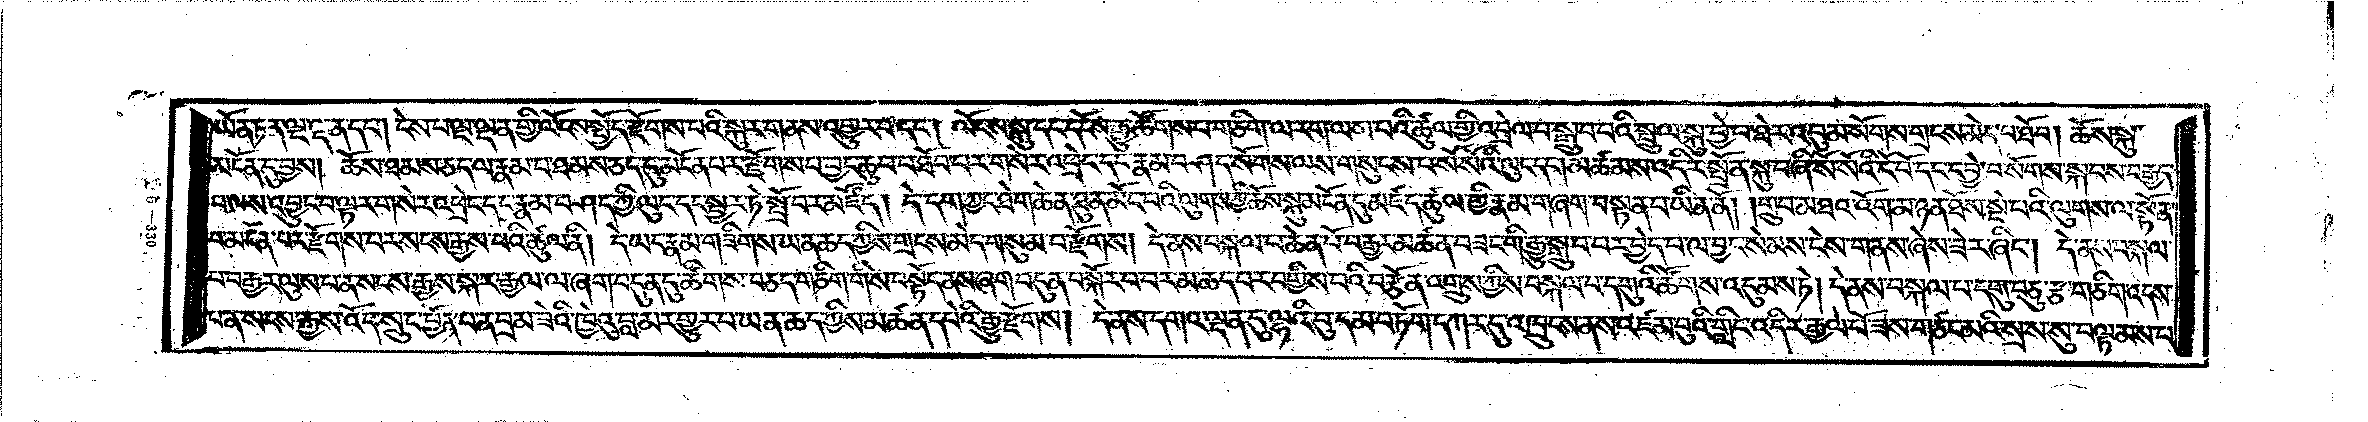ཡོན་ཏན་ལྔ་ལྡན་དང་། ངེས་པ་ལྔ་ལྡན་གྱི་ལོངས་སྤྱོད་རྫོགས་པའི་སྐུར་གནས་འགྱུར་བ་དང་། ལོངས་སྐུ་དང་དངོས་རྒྱུ་ཚོགས་པ་གཅིག་ལ་རག་ལས་པའི་ཚུལ་གྱི་འབྲེལ་བ་སྒྲུབ་པའི་སྤྲུལ་སྐུ་ཕྱེ་བ་ཐེར་འབུམ་སོགས་གྲངས་མེད་པ་ཐོབ། ཆོས་སྐུ་
མངོན་དུ་བྱས། ཆོས་ཐམས་ཅད་ལ་རྣམ་པ་ཐམས་ཅད་དུ་མངོན་པར་རྫོགས་པ་བྱང་ཆུབ་པ་ཐོབ་པར་གསེར་འཕྲེང་དང་རྣམ་བཤད་སོགས་ལས་སུངས་པ་སོ་སོའི་ལུང་དག་དང་། མཚམས་འདིར་སྤྲོ་ན་སྐུ་བཞི་སོ་སོའི་ངོ་བོ་དང་དབྱེ་བ་སོས་སྐབས་བརྒྱད་
བ་ལས་འབྱུང་བ་ལྟར་གསེར་འཕྲེང་དང་རྣམ་བཤད་ཀྱི་ལུང་དང་སྦྱར་ཏེ་སྤྲོ་བར་མཛོད། དེ་དག་ཀྱང་ཐེག་ཆེན་ཐུན་མོང་པའི་ལུགས་ཀྱི་ཆོས་སྐུ་མངོན་དུ་མཛད་ཚུལ་གྱི་རྣམ་གཞག་བསྟན་པ་ཡིན་ནོ། །གྲུབ་མཐའ་འོག་མ་ཉན་ཐོས་སྡེ་པའི་ལུགས་ལ་སྟོན་
བ་མངོན་པར་རྫོགས་པར་སངས་རྒྱས་པའི་ཚུལ་ནི། དེ་ཡང་རྣམ་གཟིགས་ཡན་ཆད་ཀྱིས་གྲངས་མེད་གསུམ་པ་རྫོགས། དེ་ནས་བསྐལ་པ་ཆེན་པོ་བརྒྱར་མཚན་བཟང་གི་རྒྱུ་སྒྲུབ་པར་བྱེད་པ་ལ་བྱང་སེམས་ངེས་གནས་ཞེས་ཟེར་ཞིང་། དེ་ནས་བསྐལ་
པ་བརྒྱར་ལུས་པ་ན་སངས་རྒྱས་སྐར་རྒྱལ་ལ་ཞག་བདུན་དུ་ཚིགས་བཅད་གཅིག་གིས་བསྟོད་ནས་བཞག་བདུན་བསྐོར་བ་བར་མ་ཆད་པར་བགྱིས་པའི་བརྩོན་འགྲུས་ཀྱིས་བསྐལ་པ་དགུའི་ཚོགས་འདུམ་སྟེ། དེ་ནས་བསྐལ་པ་དགུ་བཅུ་རྩ་གཅིག་འདས་
པ་ན་སངས་རྒྱས་འོད་སྲུང་བྱོན་པ་ན་བྲམ་ཟེའི་ཁྱེའུ་བླ་མར་གྱུར་པ་ཡན་ཆད་ཀྱིས་མཚན་དཔེའི་རྒྱུ་རྫོགས། དེ་ནས་དགའ་ལྡན་དུ་ལྷའི་བུ་དམ་པ་ཏོག་དཀར་དུ་འཁྲུངས་ནས་འཛམ་བུའི་གླིང་འདིར་རྒྱལ་པོ་ཟས་གཙང་མའི་སྲས་སུ་བལྟམས་པ་